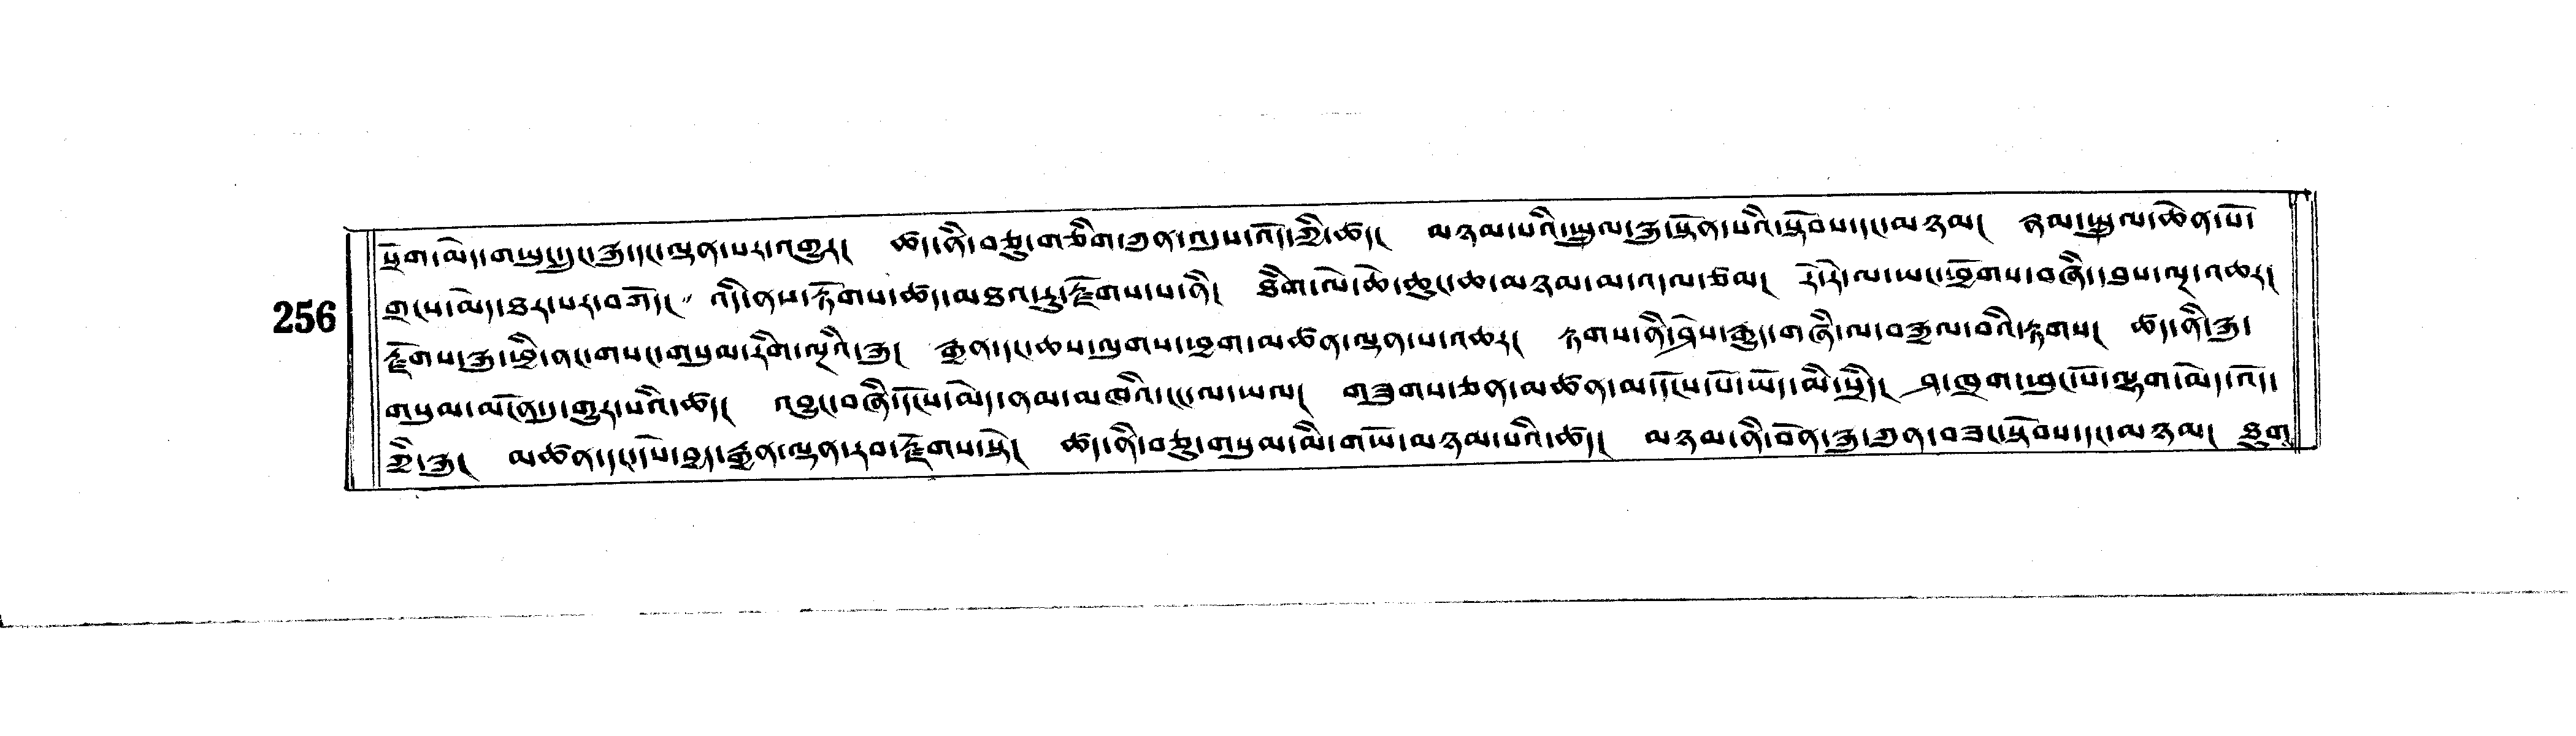སྲོག་མེད་གཡུང་དྲུང་སྐུ་དང་ལྡན་པར་འགྱུར། ཚད་ནི་བཅུ་གཅིག་ཀུན་འདུས་འོད་ཀྱི་ཚད། མཉམ་པའི་སྤྲུལ་སྐུ་སྟོན་པའི་སྟོབས་དང་མཉམ། རྣམ་སྤྲུལ་ཆེན་པོ་
གྲངས་མེད་ཐར་པར་བཀོད། ༧ འདི་ནས་རྟོགས་ཚད་མཐའ་རུ་རྫོགས་པ་ནི། ཐིག་ལེ་ཆེ་ཆུང་ཆ་མཉམ་མནྚལ་ཙམ། རེ་རེ་ལའང་ཕྱོགས་བཞི་དབུས་ལྔ་འཆར། 
རྫོགས་སྐུ་ཕྱི་ནང་གསང་གསུམ་རིགས་ལྔའི་སྐུ། རྒྱན་དང་ཆ་ལུགས་ཕྱག་མཚན་ལྡན་པ་འཆར། རྟགས་ནི་ཤེས་རྒྱུད་གཞི་ལ་བསྐྱལ་བའི་རྟགས། ཚད་ནི་སྐུ་
གསུམ་མངོན་དུ་གྱུར་པའི་ཚད། འབྱུང་བཞི་དངོས་མེད་ནམ་མཁའི་ངང་ལ་ཡལ། གཟུགས་ཅན་མཚན་མ་དངོས་པོ་ཡོད་མི་སྲིད། ཤ་ཁྲག་ཕུང་པོ་ལྷག་མེད་འོད་
ཀྱི་སྐུ། མཚན་དང་དཔེ་བྱད་རྒྱན་ལྡན་རབ་རྫོགས་ཏེ། ཚད་ནི་བཅུ་གསུམ་མི་གཡོ་མཉམ་པའི་ཚད། མཉམ་ནི་བོན་སྐུ་ཀུན་བཟང་སྟོབས་དང་མཉམ། ཐུགས་